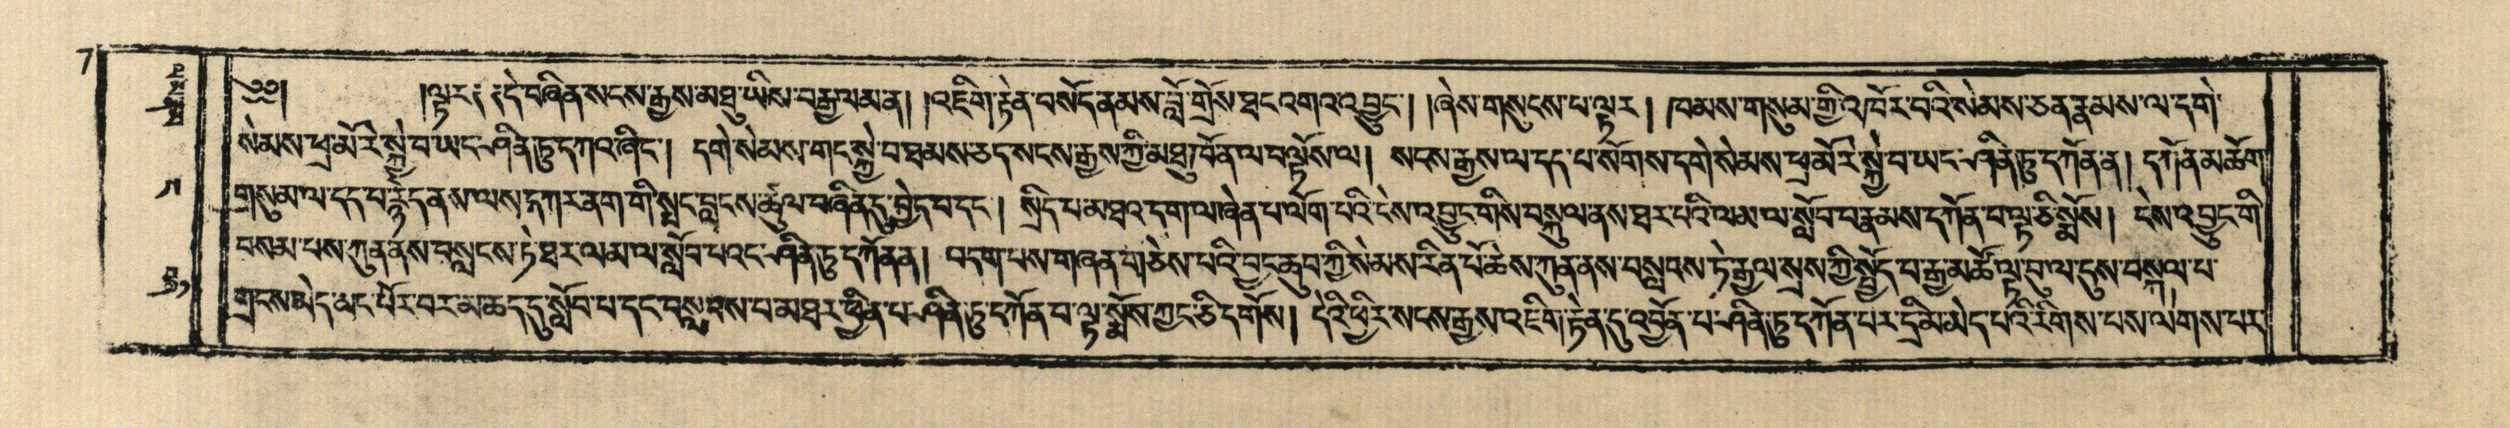༄༅། །ལྟར༑ ༑དེ་བཞིན་སངས་རྒྱས་མཐུ་ཡིས་བརྒྱ་ལམ་ན། །འཇིག་རྟེན་བསོད་ནམས་བློ་གྲོས་ཐང་འགའ་འབྱུང་། །ཞེས་གསུངས་པ་ལྟར། ཁམས་གསུམ་གྱི་འཁོར་བའི་སེམས་ཅན་རྣམས་ལ་དགེ་
སེམས་ཕྲ་མོ་རེ་སྐྱེ་བ་ཡང་ཤིན་ཏུ་དཀའ་ཞིང་། དགེ་སེམས་གང་སྐྱེ་བ་ཐམས་ཅད་སངས་རྒྱས་ཀྱི་མཐུ་ཁོ་ན་ལ་བལྟོས་ལ། སངས་རྒྱས་ལ་དད་པ་སོགས་དགེ་སེམས་ཕྲ་མོ་རེ་སྐྱེ་བ་ཡང་ཤིན་ཏུ་དཀོན་ན། དཀོན་མཆོག་
གསུམ་ལ་དད་པ་རྙེད་ནས་ལས་དཀར་ནག་གི་སྤང་བླངས་ཚུལ་བཞིན་དུ་བྱེད་པ་དང་། སྲིད་པ་མཐའ་དག་ལ་ཞེན་པ་ལོག་པའི་ངེས་འབྱུང་གིས་བསྐུལ་ནས་ཐར་པའི་ལམ་ལ་སློབ་པ་རྣམས་དཀོན་པ་ལྟ་ཅི་སྨོས། ངེས་འབྱུང་གི་
བསམ་པས་ཀུན་ནས་བསླངས་ཏེ་ཐར་ལམ་ལ་སློབ་པའང་ཤིན་ཏུ་དཀོན་ན། བདག་པས་གཞན་གཅེས་པའི་བྱང་ཆུབ་ཀྱི་སེམས་རིན་པོ་ཆེས་ཀུན་ནས་བསླབས་ཏེ་རྒྱལ་སྲས་ཀྱི་སྤྱོད་པ་རྒྱ་མཚོ་ལྟ་བུ་ལ་དུས་བསྐལ་པ་
གྲངས་མེད་མང་པོར་བར་མ་ཆད་དུ་སློབ་པ་དང་བསླབས་པ་མཐར་ཕྱིན་པ་ཤིན་ཏུ་དཀོན་པ་ལྟ་སྨོས་ཀྱང་ཅི་དགོས། དེའི་ཕྱིར་སངས་རྒྱས་འཇིག་རྟེན་དུ་འབྱོན་པ་ཤིན་ཏུ་དཀོན་པར་དྲི་མ་མེད་པའི་རིགས་པས་ལེགས་པར་